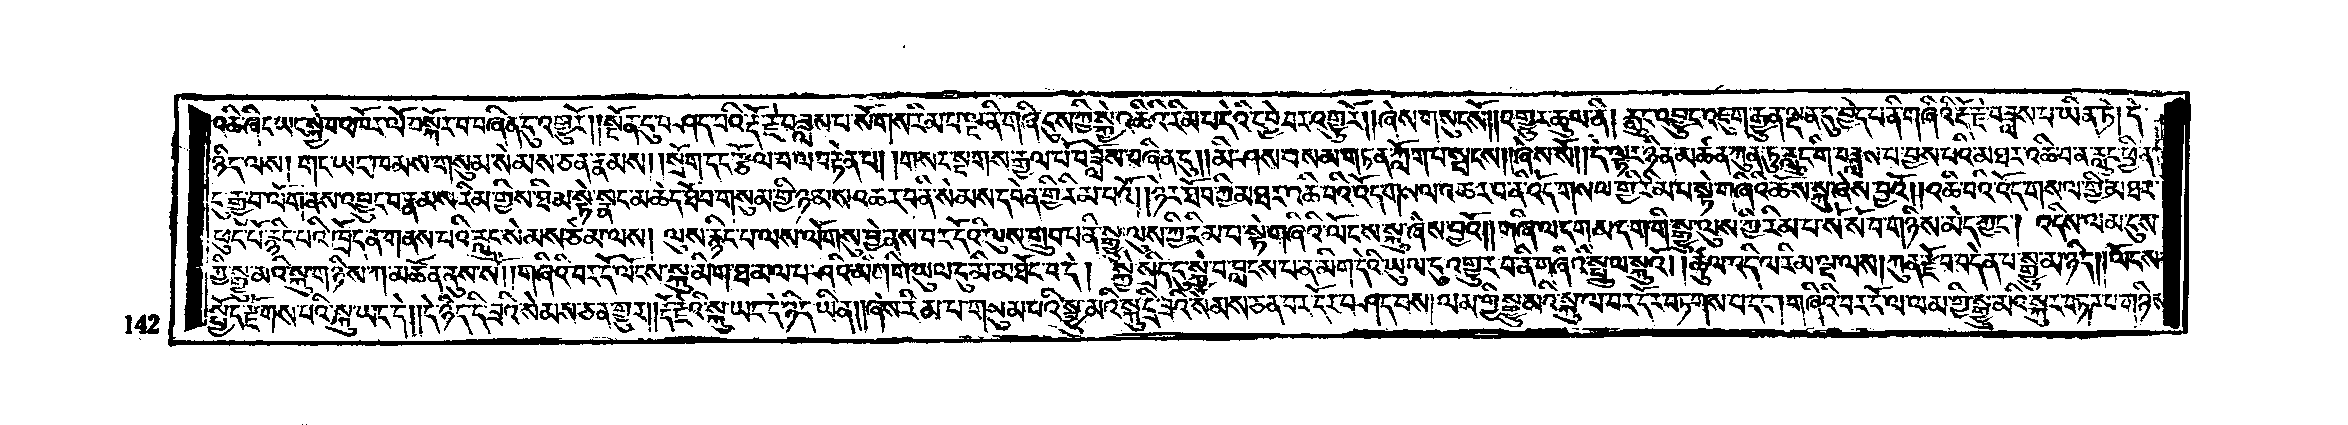འཆི་ཞིང་ཡང་སྐྱེ་བ་འཁོར་ལོ་བསྐོར་བ་བཞིན་དུ་འགྱུར། །སྔོན་དུ་བཤད་པའི་རྡོ་རྗེ་བཟླས་པ་སོགས་རིམ་པ་ལྔ་ནི་གཞི་དུས་ཀྱི་སྐྱེ་འཆིའི་རིམ་པ་དེའི་དབྱེ་བར་འགྱུར་རོ། །ཞེས་གསུངས་སོ། །འགྱུར་ཚུལ་ནི། རླུང་འབྱུང་འཇུག་རྒྱུན་ལྡན་དུ་བྱེད་པ་ནི་གཞིའི་རྡོ་རྗེ་བཟླས་པ་ཡིན་ཏེ། དེ་
ཉིད་ལས། གང་ཡང་ཁམས་གསུམ་སེམས་ཅན་རྣམས། །སྲོག་དང་རྩོལ་བ་ལ་བརྟེན་པ། །གསང་སྔགས་རྒྱལ་པོ་བཟློས་བཞིན་དུ། །མི་ཤེས་བསམ་གཏན་ཀློག་པ་སྤངས། །ཞེས་སོ། །དེ་ལྟར་ཉིན་མཚན་ཀུན་ཏུ་རླུང་གི་བཟླས་པ་བྱས་པའི་མཐར་འཆི་བ་ན་རླུང་ཕྱི་ནང་
དུ་རྒྱུ་བ་ལོག་ནས་འབྱུང་བ་རྣམས་རིམ་གྱིས་ཐིམ་སྟེ་སྣང་མཆོད་ཐོབ་གསུམ་གྱི་ཉམས་འཆར་བ་ནི་སེམས་དབེན་གྱི་རིམ་པའོ། །ཉེར་ཐོབ་ཀྱི་མཐར་འཆི་བའི་འོད་གསལ་འཆར་བ་ནི་འོད་གསལ་གྱི་རིམ་པ་སྟེ་གཞིའི་ཆོས་སྐུ་ཞེས་བྱའོ། །འཆི་བའི་འོད་གསལ་གྱི་མཐར་
ཕུང་པོ་རྙིང་པའི་ཁྲོད་ན་གནས་པའི་རླུང་སེམས་ཙམ་ལས། ལུས་རྙིང་པ་ལས་ལོགས་སུ་བྱེ་ནས་བར་དོའི་ལུས་གྲུབ་པ་ནི་སྒྱུ་ལུས་ཀྱི་རིམ་པ་སྟེ་གཞིའི་ལོངས་སྐུ་ཞེས་བྱའོ། །གཞི་ལ་དག་མ་དག་གི་སྒྱུ་ལུས་ཀྱི་རིམ་པ་སོ་སོ་བ་གཉིས་མེད་ཀྱང་། འདིས་ལམ་དུས་
ཀྱི་སྒྱུ་མའི་སྐུ་གཉིས་ཀ་མཚོན་ནུས་སོ། །གཞིའི་བར་དོ་ལོངས་སྐུ་མིག་ཐ་མལ་པ་ཤའི་མིག་གི་ཡུལ་དུ་མི་མཐོང་བ་དེ། སྐྱེ་སྲིད་དུ་སྐྱེ་བ་བླངས་པ་ན་མིག་དེའི་ཡུལ་དུ་འགྱུར་བ་ནི་གཞིའི་སྤྲུལ་སྐུའོ། །ཚུལ་འདི་ལ་རིམ་ལྔ་ལས། ཀུན་རྫོབ་བདེན་པ་སྒྱུ་མ་ཉིད། །ལོངས་
སྤྱོད་རྫོགས་པའི་སྐུ་ཡང་དེ། །དེ་ཉིད་དྲི་ཟའི་སེམས་ཅན་གྱུར། །རྡོ་རྗེའི་སྐུ་ཡང་དེ་ཉིད་ཡིན། །ཞེས་རིམ་པ་གསུམ་པའི་སྒྱུ་མའི་སྐུ་དྲི་ཟའི་སེམས་ཅན་བར་དོར་བཤད་པས། ལམ་གྱི་སྒྱུ་མའི་སྐུ་ལ་བར་དོར་བཏགས་པ་དང་། གཞིའི་བར་དོ་ལ་ལམ་གྱི་སྒྱུ་མའི་སྐུར་བཏགས་པ་གཉིས་